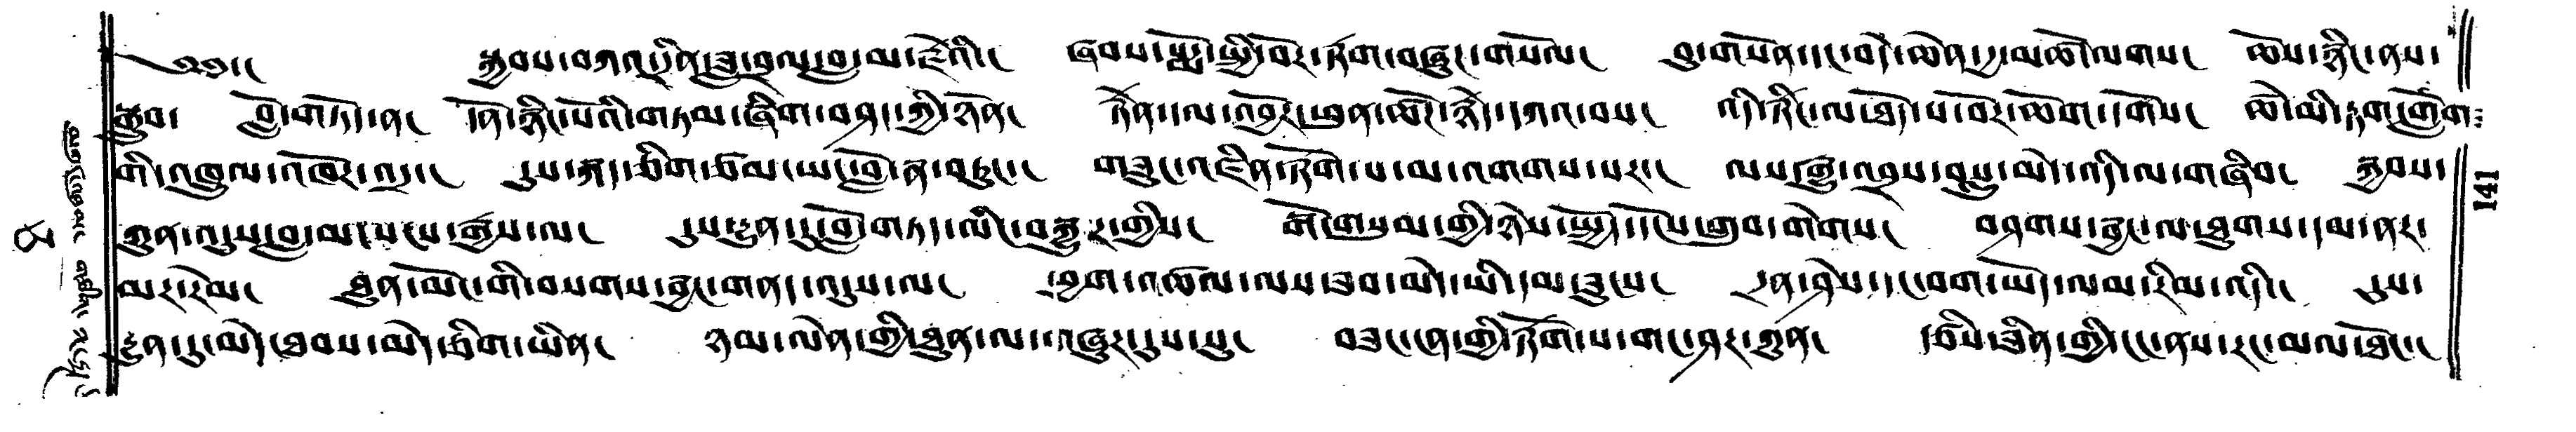༄༅། སྐྱབས་བཀའ་དྲིན་ཟླ་བྲལ་བླ་མ་རྗེའི། །ཞབས་པདྨོ་སྤྱི་བོར་རྟག་བཞུགས་གསོལ། །བུ་གསོན་དང་བདེ་ཆེན་རྒྱ་མཚོ་ལགས། །ཆོས་སྙིང་ནས་
སྒྲུབ་ལ་བློ་གཏོད་ན། །དོན་སྙིང་པོའི་གཏམ་ཞིག་བཤད་ཀྱིས་ཉོན། །རྟེན་དལ་འབྱོར་ཕུན་ཚོགས་རྙེད་དཀའ་བས། །འདི་རྟིང་ལ་ཐོད་པ་བོར་ཆོག་དགོས། །ཚེ་མི་རྟག་གློག་
གི་འཁྲུལ་འཁོར་འདྲ། །དུས་སྐད་ཅིག་ཙམ་ཡང་བློ་སྣ་བསྟུང་། །གཟུང་འཛིན་རྟོག་པ་མ་འགགས་པར། །ལས་རྒྱུ་འབྲས་བསླུ་མི་འདི་ལ་ཞིབས། །སྐྱབས་
ཀུན་འདུས་བླ་མ་སངས་རྒྱས་ལ། །དུས་རྒྱུན་དུ་བློ་གཏད་ལིང་སྐྱུར་གྱིས། །སྒོ་གསུམ་གྱི་ཉེས་སྤྱོད་དངོས་གྲུབ་གེགས། །བཤགས་སྦྱང་ལ་ཐུགས་དམ་ནར་
མར་རེམ། །ཐུན་མོང་གི་བསགས་སྦྱོང་གནད་འདུས་ལ། །ཕྱག་འཚལ་ལས་ཟབ་མེད་ཡི་དམ་ཟུངས། །དྲན་ཤེས་དང་བག་ཡོད་ལམ་རིམ་འདི། །དུས་
རྒྱུན་དུ་མེད་ཐབས་མེད་ཅིག་ཡིན། །ཉམས་ལེན་གྱི་ཐུན་ལ་གཞུར་དུས་སུ། །བཟང་ངན་གྱི་རྟོག་པ་གང་ཤར་ཀུན། །རྩིས་ཟིན་གྱི་ངང་ནས་རང་མལ་ཐོངས།